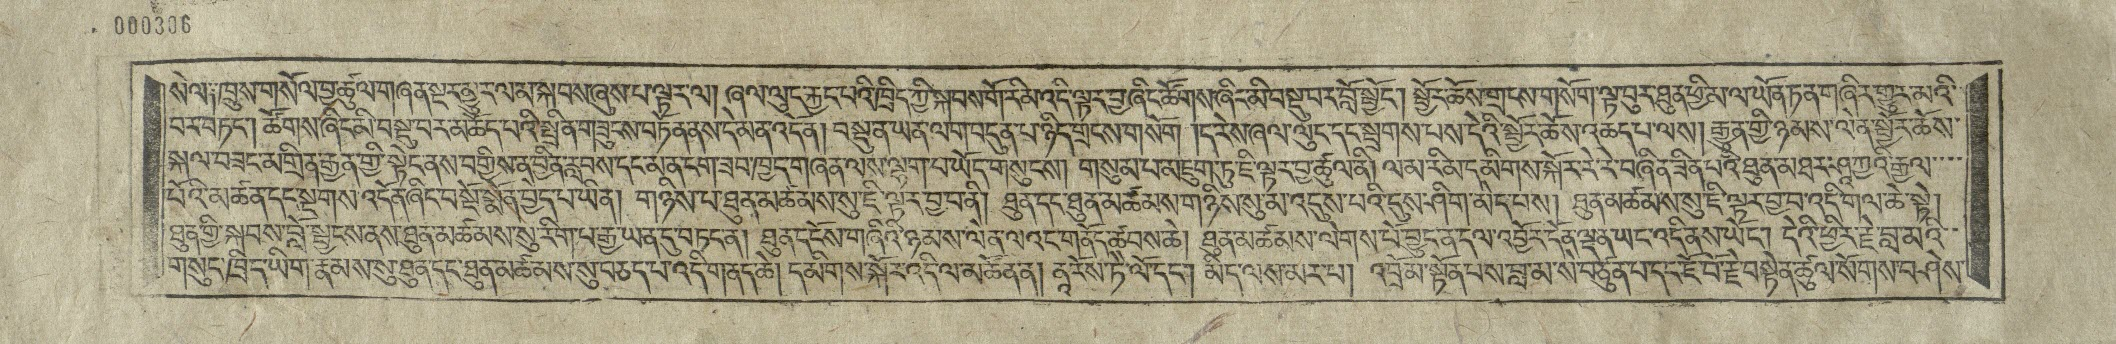སེལ༑ ཁྲུས་གསོལ་བྱ་ཚུལ་གཞན་སྔར་མྱུར་ལམ་སྐབས་ཞུས་པ་ལྟར་ལ། ཞལ་ལུང་རྐྱང་པའི་ཁྲིད་ཀྱི་སྐབས་གོ་རིམ་འདི་ལྟར་བྱ་ཞིང་ཚོགས་ཞིང་མི་བསྡུ་བར་བློ་སྦྱོང་། སྦྱོར་ཆོས་གྲངས་གསོག་ལྟ་བུར་ཐུན་ཕྱི་མ་ལ་ཡོན་ཏན་གཞིར་གྱུར་མའི་
བར་བཏང་། ཚོགས་ཞིང་མི་བསྡུ་བར་མཆོད་པའི་སྤྲིན་གཟུངས་བཏོན་ནས་དེ་མན་འདོན། བསྡུ་ན་ཡན་ལག་བདུན་པ་ཉིད་གྲངས་གསོག །ད་རེས་ཞལ་ལུང་དང་སྦྲགས་པས་དེའི་སྦྱོར་ཆོས་འཆད་པ་ལས། རྒྱུན་གྱི་ཉམས་ལེན་སྦྱོར་ཆོས་
སྐལ་བཟང་མགྲིན་རྒྱན་གྱི་སྟེང་ནས་བགྱིས་ན་བྱིན་རླབས་དང་མན་ངག་ཟབ་ཁྱད་གཞན་ལས་ལྷག་པ་ཡོད་གསུངས། གསུམ་པ་མཇུག་ཏུ་ཇི་ལྟར་བྱ་ཚུལ་ནི། ལམ་རིམ་དམིགས་སྐོར་རེ་རེ་བཞིན་ཟིན་པའི་ཐུན་མཐར་ཤཱཀྱའི་རྒྱལ་
པོའི་མཚན་དང་སྔགས་འདོན་ཞིང་བསྔོ་སྨོན་བྱེད་པ་ཡིན། གཉིས་པ་ཐུན་མཚམས་སུ་ཇི་ལྟར་བྱ་བ་ནི། ཐུན་དང་ཐུན་མཚམས་གཉིས་སུ་མ་འདུས་པའི་དུས་ཤིག་མེད་པས། ཐུན་མཚམས་སུ་ཇི་ལྟར་བྱ་བ་འདི་གལ་ཆེ་སྟེ།
ཐུན་གྱི་སྐབས་བློ་སྦྱངས་ནས་ཐུན་མཚམས་སུ་རིག་པ་རྒྱ་ཡན་དུ་བཏང་ན། ཐུན་དངོས་གཞིའི་ཉམས་ལེན་ལའང་གནོད་ཚབས་ཆེ། ཐུན་མཚམས་ལེགས་པོ་བྱུང་ན་དལ་འབྱོར་དོན་ལྡན་ཡང་འདི་ནས་ཡོང་། དེའི་ཕྱིར་རྗེ་བླ་མའི་
གསུང་ཁྲིད་ཡིག་རྣམས་སུ་ཐུན་དང་ཐུན་མཚམས་སུ་བཅད་པ་འདི་གནད་ཆེ། དམིགས་སྐོར་འདི་ལ་མཚོན་ན། ནཱ་རོས་ཏཻ་ལོ་དང་། མིད་ལས་མར་པ། འབྲོམ་སྟོན་པས་བླ་མ་སེ་བཙུན་པ་དང་ཇོ་བོ་རྗེ་བསྟེན་ཚུལ་སོགས་བཤེས་